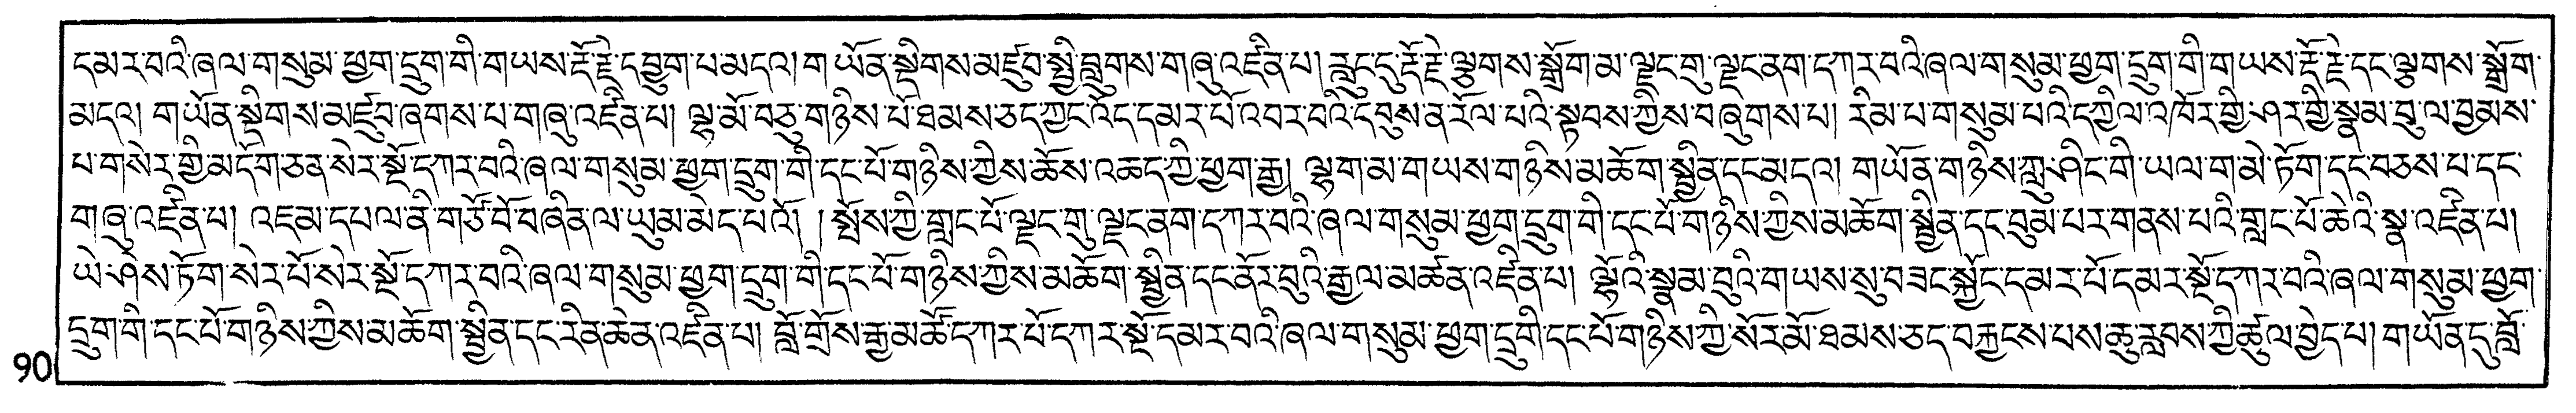དམར་བའི་ཞལ་གསུམ་ཕྱག་དྲུག་གི་གཡས་རྡོ་རྗེ་དབྱུག་པ་མདའ། གཡོན་སྡིགས་མཛུབ་སྤྱི་བླུགས་གཞུ་འཛིན་པ། རླུང་དུ་རྡོ་རྗེ་ལྕགས་སྒྲོག་མ་ལྗང་གུ་ལྗང་ནག་དཀར་བའི་ཞལ་གསུམ་ཕྱག་དྲུག་གི་གཡས་རྡོ་རྗེ་དང་ལྕགས་སྒྲོག་
མདའ། གཡོན་སྡིགས་མཛུབ་ཞགས་པ་གཞུ་འཛིན་པ། ལྷ་མོ་བཅུ་གཉིས་པོ་ཐམས་ཅད་ཀྱང་འོད་དམར་པོ་འབར་བའི་དབུས་ན་རོལ་པའི་སྟབས་ཀྱིས་བཞུགས་པ། རིམ་པ་གསུམ་པའི་དཀྱིལ་འཁོར་གྱི་ཤར་གྱི་སྣམ་བུ་ལ་བྱམས་
པ་གསེར་གྱི་མདོག་ཅན་སེར་སྔོ་དཀར་བའི་ཞལ་གསུམ་ཕྱག་དྲུག་གི་དང་པོ་གཉིས་ཀྱིས་ཆོས་འཆད་ཀྱི་ཕྱག་རྒྱ། ལྷག་མ་གཡས་གཉིས་མཆོག་སྦྱིན་དང་མདའ། གཡོན་གཉིས་ཀླུ་ཤིང་གི་ཡལ་ག་མེ་ཏོག་དང་བཅས་པ་དང་
གཞུ་འཛིན་པ། འཇམ་དཔལ་ནི་གཙོ་བོ་བཞིན་ལ་ཡུམ་མེད་པའོ། །སྤོས་ཀྱི་གླང་པོ་ལྗང་གུ་ལྗང་ནག་དཀར་བའི་ཞལ་གསུམ་ཕྱག་དྲུག་གི་དང་པོ་གཉིས་ཀྱིས་མཆོག་སྦྱིན་དང་བུམ་པར་གནས་པའི་གླང་པོ་ཆེའི་སྣ་འཛིན་པ།
ཡེ་ཤེས་ཏོག་སེར་པོ་སེར་སྔོ་དཀར་བའི་ཞལ་གསུམ་ཕྱག་དྲུག་གི་དང་པོ་གཉིས་ཀྱིས་མཆོག་སྦྱིན་དང་ནོར་བུའི་རྒྱལ་མཚན་འཛིན་པ། ལྷོའི་སྣམ་བུའི་གཡས་སུ་བཟང་སྐྱོང་དམར་པོ་དམར་སྔོ་དཀར་བའི་ཞལ་གསུམ་ཕྱག་
དྲུག་གི་དང་པོ་གཉིས་ཀྱིས་མཆོག་སྦྱིན་དང་རིན་ཆེན་འཛིན་པ། བློ་གྲོས་རྒྱ་མཚོ་དཀར་པོ་དཀར་སྔོ་དམར་བའི་ཞལ་གསུམ་ཕྱག་དྲུག་གི་དང་པོ་གཉིས་ཀྱི་སོར་མོ་ཐམས་ཅད་བརྐྱངས་པས་ཆུ་རླབས་ཀྱི་ཚུལ་བྱེད་པ། གཡོན་དུ་བློ་